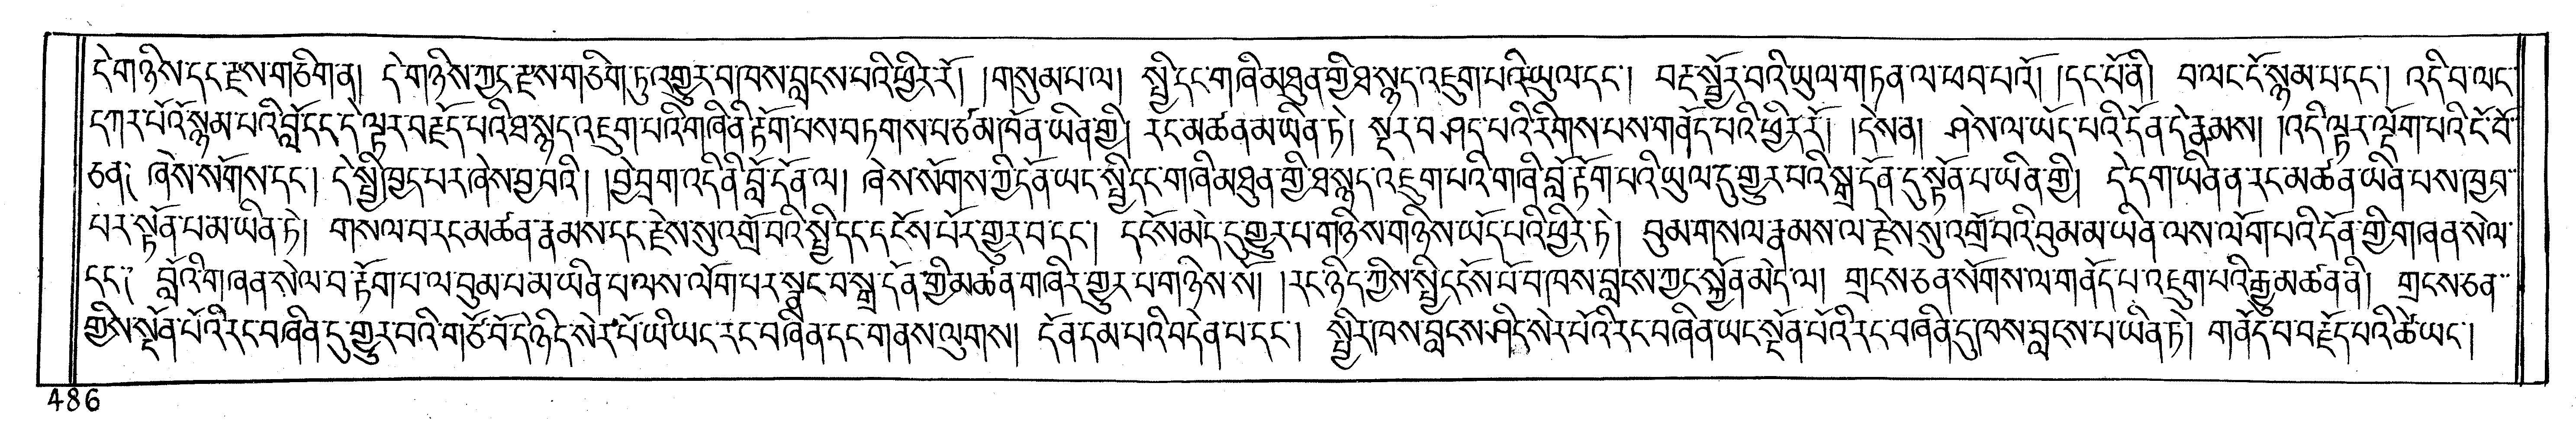དེ་གཉིས་དང་རྫས་གཅིག་ན། དེ་གཉིས་ཀྱང་རྫས་གཅིག་ཏུ་འགྱུར་བ་ཁས་བླངས་པའི་ཕྱིར་རོ། །གསུམ་པ་ལ། སྤྱི་དང་གཞི་མཐུན་གྱི་ཐ་སྙད་འཇུག་པའི་ཡུལ་དང་། བརྡ་སྦྱོར་བའི་ཡུལ་གཏན་ལ་ཕབ་པའོ། །དང་པོ་ནི། བ་ལང་ངོ་སྙམ་པ་དང་། འདི་བ་ལང་
དཀར་པོའོ་སྙམ་པའི་བློ་དང་དེ་ལྟར་བརྗོད་པའི་ཐ་སྙད་འཇུག་པའི་གཞི་ནི་རྟོག་པས་བཏགས་པ་ཙམ་ཁོ་ན་ཡིན་གྱི། རང་མཚན་མ་ཡིན་ཏེ། སྔར་བཤད་པའི་རིགས་པས་གནོད་པའི་ཕྱིར་རོ། །དེས་ན། ཤེས་པ་ཡོད་པའི་དོན་དེ་རྣམས། །འདི་ལྟར་ལྡོག་པའི་ངོ་བོ་
ཅན༑ ཞེས་སོགས་དང་། དེ་སྤྱི་ཁྱད་པར་ཞེས་བྱ་བའི། །བྱེ་བྲག་འདི་ནི་བློ་དོན་ལ། ཞེས་སོགས་ཀྱི་དོན་ཡང་སྤྱི་དང་གཞི་མཐུན་གྱི་ཐ་སྙད་འཇུག་པའི་གཞི་བློ་རྟོག་པའི་ཡུལ་དུ་གྱུར་བའི་སྒྲ་དོན་དུ་སྟོན་པ་ཡིན་གྱི། དེ་དག་ཡིན་ན་རང་མཚན་ཡིན་པས་ཁྱབ་
པར་སྟོན་པ་མ་ཡིན་ཏེ། གསལ་བ་རང་མཚན་རྣམས་དང་རྗེས་སུ་འགྲོ་བའི་སྤྱི་དང་དངོས་པོར་གྱུར་པ་དང་། དངོས་མེད་དུ་གྱུར་པ་གཉིས་གཉིས་ཡོད་པའི་ཕྱིར་ཏེ། བུམ་གསལ་རྣམས་ལ་རྗེས་སུ་འགྲོ་བའི་བུམ་མ་ཡིན་ལས་ལོག་པའི་དོན་གྱི་གཞན་སེལ་
དང༑ བློའི་གཞན་སེལ་བ་རྟོག་པ་ལ་བུམ་པ་མ་ཡིན་པ་ལས་ལོག་པར་སྣང་བ་སྒྲ་དོན་གྱི་མཚན་གཞིར་གྱུར་པ་གཉིས་སོ། །རང་ཉིད་ཀྱིས་སྤྱི་དངོས་པོ་བ་ཁས་བླངས་ཀྱང་སྐྱོན་མེད་ལ། གྲངས་ཅན་སོགས་ལ་གནོད་པ་འཇུག་པའི་རྒྱུ་མཚན་ནི། གྲངས་ཅན་
གྱིས་སྔོན་པོའི་རང་བཞིན་དུ་གྱུར་པའི་གཙོ་བོ་དེ་ཉིད་སེར་པོ་ཡི་ཡང་རང་བཞིན་དང་གནས་ལུགས། དོན་དམ་པའི་བདེན་པ་དང་། སྤྱིར་ཁས་བླངས་ཤིང་སེར་པོའི་རང་བཞིན་ཡང་སྔོན་པོའི་རང་བཞིན་དུ་ཁས་བླངས་པ་ཡིན་ཏེ། གནོད་པ་བརྗོད་པའི་ཚེ་ཡང་།